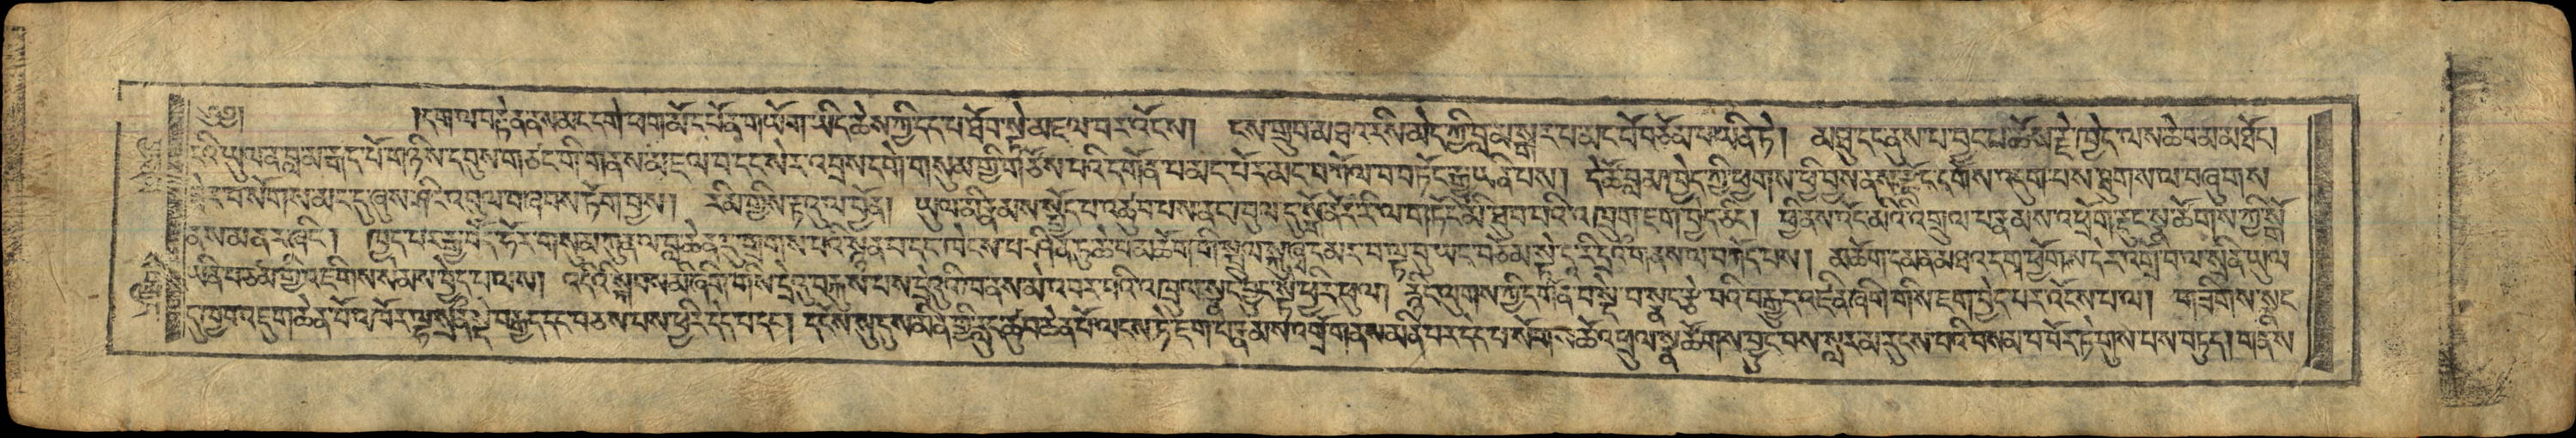༄༅། །དག་ལ་བརྟེན་ནས་མང་དགེ་ཕག་མོ་དཔོན་གཡོག་ཡིད་ཆེས་ཀྱི་དད་པ་ཐོབ་སྟེ་མཇལ་བར་འོངས། ངས་གྲུབ་མཐའ་རིས་མེད་ཀྱི་བླ་མ་སྒར་པ་མང་པོ་བཅོམ་པ་ཡིན་ཏེ། མཐུ་དང་ནུས་པ་བྱང་པ་ཆོས་རྗེ་ཁྱེད་ལས་ཆེ་བ་མ་མཐོང་།
ངའི་ཡུལ་ན་བླ་མ་རྒད་པོ་གཉིས་དབུས་གཙང་གི་གནས་མཇལ་བ་དང་སེར་འབྲས་དགེ་གསུམ་གྱི་གཙོས་པའི་དགོན་པ་མང་པོར་མང་བཀོལ་བ་བཏོང་རྒྱུ་ཡིན་པས། དེ་ཚོ་བླ་མ་ཁྱེད་ཀྱི་ཕྱགས་ཕྱི་བྱས་ནས་རྫོང་དགོས་འདུག་པས་ཐུགས་ལ་བཞུགས་
ཟེར་བ་སོགས་མང་དུ་ཞུས་ཤིང་འབུལ་བ་ཞགས་ཏོག་བྱས། རིམ་གྱིས་རྟའུ་ལ་བྱོན། ཡུལ་མི་རྣམས་སྤྱོད་པ་འཚུབ་པས་ནང་ཁུལ་དུ་སྒོ་ནོར་རི་ལ་གཏོང་མི་ཐུབ་པའི་འཁྲུག་ཇག་བྱེད་ཅིང་། ཕྱི་ནས་འོང་མིའི་འགྲུལ་པ་རྣམས་འཕྲོག་རྡུང་སྣ་ཚོགས་ཀྱི་སྒོ་
ནས་མནར་ཞིང་། ཁྱད་པར་རྒྱ་བོད་ཧོར་གསུམ་ཀུན་ལ་བླ་ཆེན་དུ་གྲགས་པའི་སྙན་པ་དང་ཁེངས་པ་ཤིན་ཏུ་ཆེ་བ་མཆོག་གི་སྤྲུལ་སྐུ་ཞྭ་དམར་བ་ལྟ་བུ་ཡང་བཅོམ་སྟེ་དཱ་རི་དྲཱྀ་གནས་ལ་བཀོད་པས། མཆོག་མདན་མཐའ་དག་ཕྱོགས་དེར་འགྲོ་བ་ལ་སྲིན་ཡུལ་
ཡིན་པ་ཙམ་གྱི་འཇིགས་སེམས་བྱེད་པ་ལས། འདིའི་སྐབས་མི་ཞིག་གིས་དྲེའུ་བརྐུས་པས་དྲེའུའི་ཁ་ནས་མེ་འབར་བའི་འཁྲུལ་སྣང་བྱུང་སྟེ་ཕྱིར་ཕུལ། རྙིང་ལུགས་ཀྱི་དགོན་པ་སྡེ་པ་སྣང་རྩེ་བའི་བརྒྱུད་འཛིན་ཞིག་གིས་ཇག་བྱེད་པར་འོངས་པ་ལ། གཟིགས་སྣང་
དུ་ཁྱབ་འཇུག་ཆེན་པོ་འཁོར་ལྷ་སྲྀན་སྡེ་བརྒྱད་དང་བཅས་པས་ཕྱིར་དེད་པ་དང་། དངོས་སུ་དུས་མིན་གྱི་རླུང་ཚུབ་ཆེན་པོ་ལངས་ཏེ་ཇག་པ་རྣམས་འགྲོ་གནས་མིན་པར་དེད་པ་སོགས་ཆོ་འཕྲུལ་སྣ་ཚོགས་བྱུང་བས་སླར་མ་རུངས་པའི་བསམ་པ་བོར་ཏེ་གུས་པས་བཏུད། གནས་